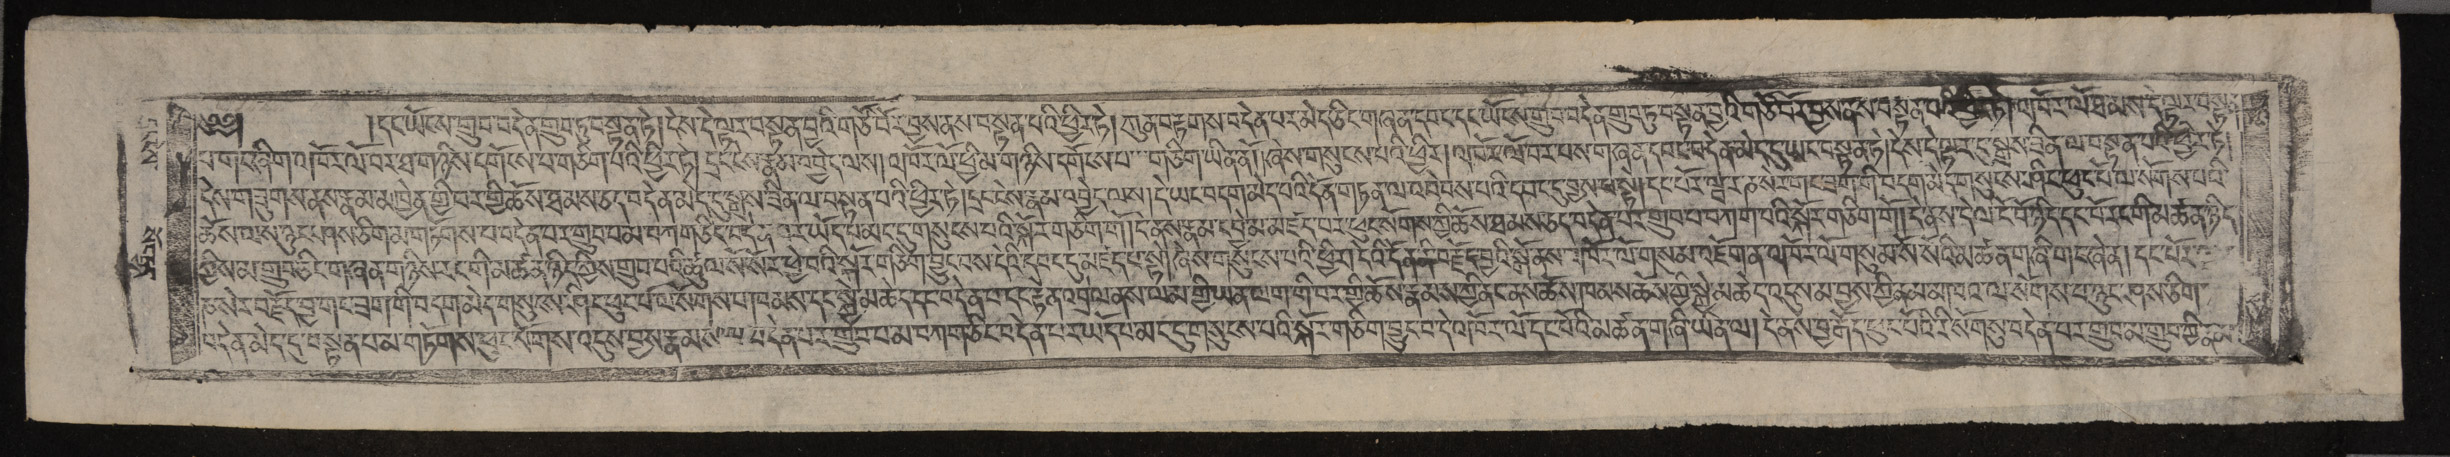༄༅། །དང་ཡོངས་གྲུབ་བདེན་གྲུབ་ཏུ་བསྟན་ཏེ། དེས་དེ་ལྟར་བསྟན་བྱའི་གཙོ་བོར་བྱས་ནས་བསྟན་པའི་ཕྱིར་ཏེ། ཀུན་བརྟགས་བདེན་པར་མེད་ཅིང་གཞན་དབང་དང་ཡོངས་གྲུབ་བདེན་གྲུབ་ཏུ་བསྟན་བྱའི་གཙོ་བོར་བྱས་ནས་བསྟན་པའི་ཕྱིར་ཏེ། འཁོར་ལོ་ཐམས་དེ་ལྟར་བསྟན་
པ་གང་ཞིག་འཁོར་ལོ་བར་ཐ་གཉིས་དགོངས་པ་གཅིག་པའི་ཕྱིར་ཏེ། དྲང་ངེས་རྣམ་འབྱེད་ལས། འཁོར་ལོ་ཕྱི་མ་གཉིས་དགོངས་པ་གཅིག་ཡིན་ནོ། །ཞེས་གསུངས་པའི་ཕྱིར། འཁོར་ལོ་བར་པས་གཞན་དབང་བདེན་མེད་དུ་ཡང་བསྟན་ཏེ། དེས་དེ་ལྟར་དུ་སྒྲས་ཟིན་ལ་བསྟན་པའི་ཕྱིར་ཏེ།
དེས་གཟུགས་ནས་རྣམ་མཁྱེན་གྱི་བར་གྱི་ཆོས་ཐམས་ཅད་བདེན་མེད་དུ་སྒྲས་ཟིན་ལ་བསྟན་པའི་ཕྱིར་ཏེ། དྲང་ངེས་རྣམ་འབྱེད་ལས། དེ་ཡང་བདག་མེད་པའི་དོན་གཏན་ལ་འབེབས་པའི་དབང་དུ་བྱས་པ་སྟེ། དང་པོར་ཝ་ར་ཎ་སེར་གང་ཟག་གི་བདག་མེད་གསུངས་ཤིང་ཕུང་པོ་ལ་སོགས་པའི་
ཆོས་ལས་ཉུང་ཤས་ཅིག་མ་གཏོགས་པ་བདེན་པར་གྲུབ་པ་མ་བཀག་ཅིང་བདེན་པར་ཡོད་པ་མང་དུ་གསུངས་པའི་སྐོར་གཅིག་གོ། དེ་ནས་རྣམ་དབྱེ་མ་མཛད་པར་ཕུང་སོགས་ཀྱི་ཆོས་ཐམས་ཅད་བདེན་པར་གྲུབ་པ་བཀག་པའི་སྐོར་གཅིག་གོ། དེ་ནས་དེ་ལ་ངོ་བོ་ཉིད་དང་པོ་རང་གི་མཚན་ཉིད་
ཀྱིས་མ་གྲུབ་ཅིང་གཞན་གཉིས་རང་གི་མཚན་ཉིད་ཀྱིས་གྲུབ་པའི་ཚུལ་སོ་སོར་ཕྱེ་བའི་སྐོར་གཅིག་བྱུང་བས་དེའི་དབང་དུ་མཛད་པ་སྟེ། ཞེས་གསུངས་པའི་ཕྱིར། དེའི་དོན་ནི་བརྗོད་བྱའི་སྒོ་ནས་འཁོར་ལོ་གསུམ་འཇོག་ན་འཁོར་ལོ་གསུམ་སོ་སོའི་མཚན་གཞི་གང་ཞེ་ན། དང་པོར་ཝ་ར་
ཎ་སེར་བརྗོད་བྱ་གང་ཟག་གི་བདག་མེད་གསུངས་ཤིང་ཕུང་པོ་ལ་སོགས་པ་ཁམས་དང་སྐྱེ་མཆེད་དང་བདེན་པ་དང་རྟེན་འབྲེལ་ནས་ལམ་གྱི་ཡན་ལག་གི་བར་གྱི་ཆོས་རྣམས་ཀྱི་ནང་ནས་ཆོས་ཁམས་ཆོས་ཀྱི་སྐྱེ་མཆེད་འདུས་མ་བྱས་ཀྱི་ནམ་མཁའ་ལ་སོགས་པ་ཉུང་ཤས་ཅིག་
བདེན་མེད་དུ་བསྟན་པ་མ་གཏོགས་ཕུང་སོགས་འདུས་བྱས་རྣམས་ལ་བདེན་པར་གྲུབ་པ་མ་བཀག་ཅིང་བདེན་པར་ཡོད་པ་མང་དུ་གསུངས་པའི་སྐོར་གཅིག་བྱུང་བ་དེ་འཁོར་ལོ་དང་པོའི་མཚན་གཞི་ཡིན་ལ། དེ་ནས་བྱ་རྒོད་ཕུང་པོའི་རི་?་སོགས་སུ་བདེན་པར་གྲུབ་མ་གྲུབ་ཀྱི་རྣམ་